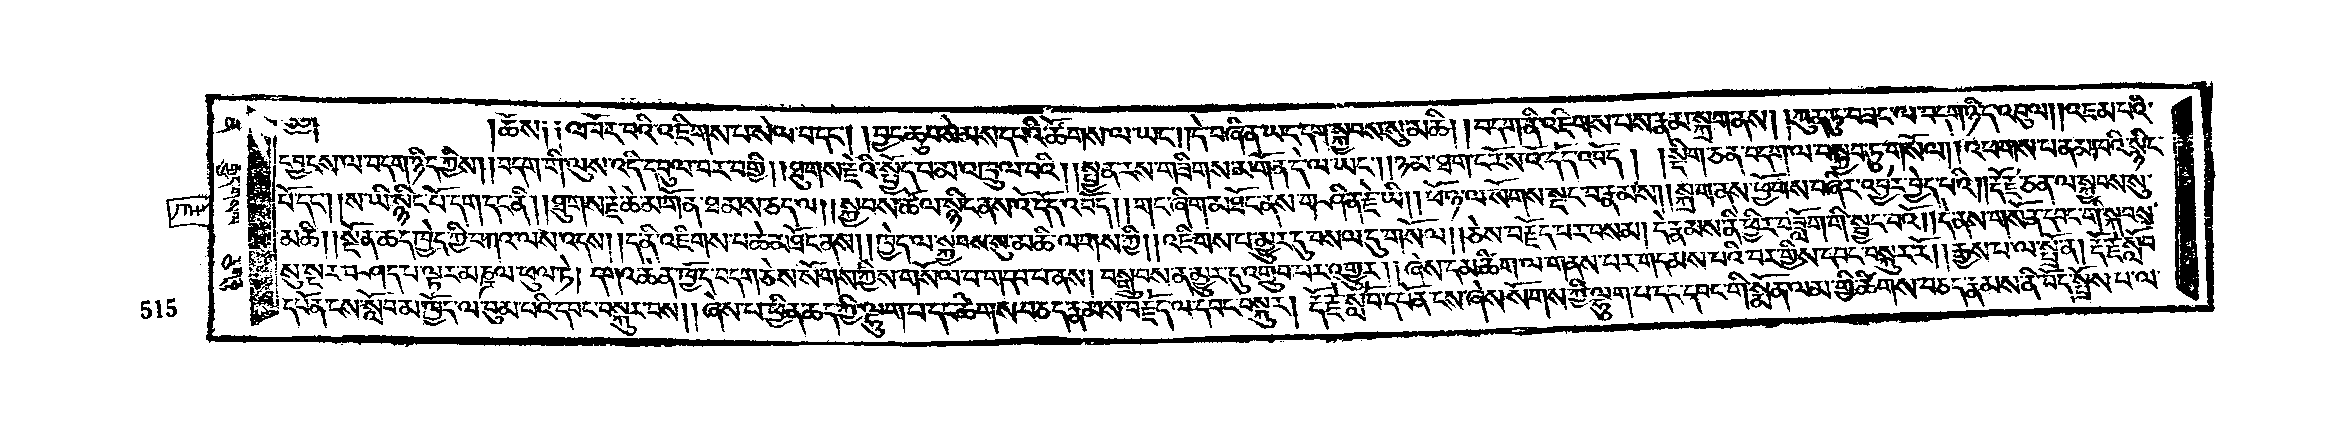༄༅། །ཆོས༑ ༑འཁོར་བའི་འཇིགས་པ་སེལ་བ་དང་། །བྱང་ཆུབ་སེམས་དཔའི་ཚོགས་ལ་ཡང་། །དེ་བཞིན་ཡང་དག་སྐྱབས་སུ་མཆི། །བདག་ནི་འཇིགས་པས་རྣམ་སྐྲག་ནས། །ཀུན་ཏུ་བཟང་ལ་བདག་ཉིད་འབུལ། །འཇམ་པའི་
དབྱངས་ལ་བདག་ཉིད་ཀྱིས། །བདག་གི་ལུས་འདི་དབུལ་བར་བགྱི། །ཐུགས་རྗེའི་སྤྱོད་པ་མ་འཁྲུལ་བའི། །སྤྱན་རས་གཟིགས་མགོན་དེ་ལ་ཡང་། །ཉམ་ཐག་ང་རོས་འོ་དོད་འབོད། །སྡིག་ཅན་བདག་ལ་བསྐྱབ་ཏུ་གསོལ། །འཕགས་པ་ནམ་མཁའི་སྙིང་
པོ་དང་། །ས་ཡི་སྙིང་པོ་དག་དང་ནི། །ཐུགས་རྗེ་ཆེ་མགོན་ཐམས་ཅད་ལ། །སྐྱབས་ཚོལ་སྙིང་ནས་འོ་དོད་འབོད། །གང་ཞིག་མཐོང་ནས་གཤིན་རྗེ་ཡི། །ཕ་ཉ་ལ་སོགས་སྡང་བ་རྣམས། །སྐྲག་ནས་ཕྱོགས་བཞིར་འབྱེར་བྱེད་པའི། །རྡོ་རྗེ་ཅན་ལ་སྐྱབས་སུ་
མཆི། །སྔོན་ཆད་ཁྱེད་ཀྱི་བཀའ་ལས་འདས། །ད་ནི་འཇིགས་པ་ཆེ་མཐོང་ནས། །ཁྱེད་ལ་སྐྱབས་སུ་མཆི་ལགས་ཀྱི། །འཇིགས་པ་མྱུར་དུ་བསལ་དུ་གསོལ། །ཅེས་བརྗོད་པར་བསམ། དེ་རྣམས་ནི་ཕྱིར་བཟློག་གི་སྦྱང་བའོ། །དེ་ནས་གསོན་དབང་གི་སྐབས་
སུ་སྔར་བཤད་པ་ལྟར་མཎྜལ་ཕུལ་ཏེ། དགའ་ཆེན་ཁྱོད་བདག་ཅེས་སོགས་ཀྱིས་གསོལ་བ་གདབ་པ་ནས། བསྒྲུབས་ན་མྱུར་དུ་འགྲུབ་པར་འགྱུར། །ཞེས་དམ་ཚིག་ལ་གནས་པར་གདམས་པའི་བར་གྱིས་དབང་བསྐུར་རོ། །རྒྱས་པ་ལ་སྤྲོ་ན། རྡོ་རྗེ་སློབ་
དཔོན་ངས་སློབ་མ་ཁྱོད་ལ་བུམ་པའི་དབང་བསྐུར་བས། །ཞེས་པ་ཕྱིན་ཆད་ཀྱི་ལྷུག་པ་དང་ཚིགས་བཅད་རྣམས་བརྗོད་ལ་དབང་བསྐུར། རྡོ་རྗེ་སློབ་དཔོན་ངས་ཞེས་སོགས་ཀྱི་ལྷུག་པ་དང་དབང་གི་སྨོན་ལམ་གྱི་ཚིགས་བཅད་རྣམས་ནི་བདེ་སྤྲོས་པ་ལ་